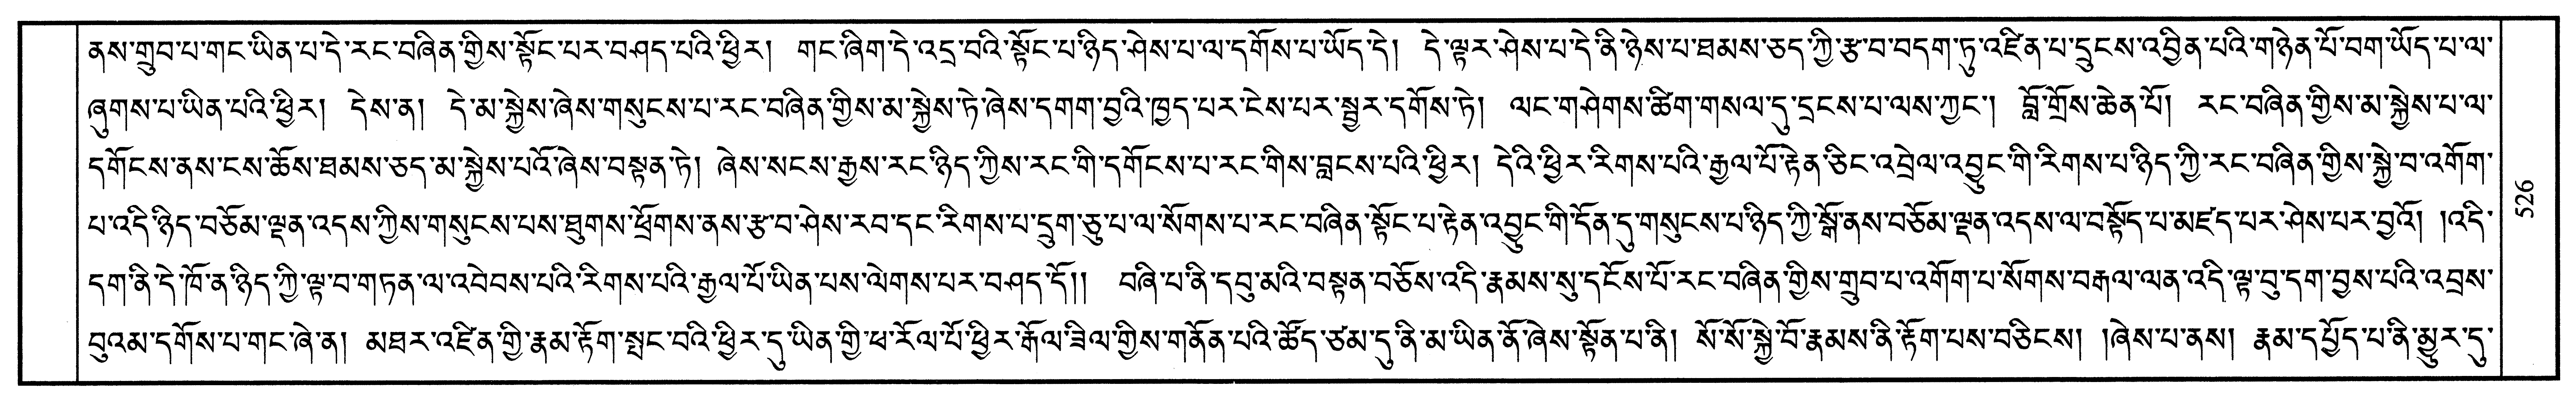ནས་གྲུབ་པ་གང་ཡིན་པ་དེ་རང་བཞིན་གྱིས་སྟོང་པར་བཤད་པའི་ཕྱིར། གང་ཞིག་དེ་འདྲ་བའི་སྟོང་པ་ཉིད་ཤེས་པ་ལ་དགོས་པ་ཡོད་དེ། དེ་ལྟར་ཤེས་པ་དེ་ནི་ཉེས་པ་ཐམས་ཅད་ཀྱི་རྩ་བ་བདག་ཏུ་འཛིན་པ་དྲུངས་འབྱིན་པའི་གཉེན་པོ་བག་ཡོད་པ་ལ་
ཞུགས་པ་ཡིན་པའི་ཕྱིར། དེས་ན། དེ་མ་སྐྱེས་ཞེས་གསུངས་པ་རང་བཞིན་གྱིས་མ་སྐྱེས་ཏེ་ཞེས་དགག་བྱའི་ཁྱད་པར་ངེས་པར་སྦྱར་དགོས་ཏེ། ལང་གཤེགས་ཚིག་གསལ་དུ་དྲངས་པ་ལས་ཀྱང་། བློ་གྲོས་ཆེན་པོ། རང་བཞིན་གྱིས་མ་སྐྱེས་པ་ལ་
དགོངས་ནས་ངས་ཆོས་ཐམས་ཅད་མ་སྐྱེས་པའོ་ཞེས་བསྟན་ཏེ། ཞེས་སངས་རྒྱས་རང་ཉིད་ཀྱིས་རང་གི་དགོངས་པ་རང་གིས་བླངས་པའི་ཕྱིར། དེའི་ཕྱིར་རིགས་པའི་རྒྱལ་པོ་རྟེན་ཅིང་འབྲེལ་འབྱུང་གི་རིགས་པ་ཉིད་ཀྱི་རང་བཞིན་གྱིས་སྐྱེ་བ་འགོག་
པ་འདི་ཉིད་བཅོམ་ལྡན་འདས་ཀྱིས་གསུངས་པས་ཐུགས་ཕྲོགས་ནས་རྩ་བ་ཤེས་རབ་དང་རིགས་པ་དྲུག་ཅུ་པ་ལ་སོགས་པ་རང་བཞིན་སྟོང་པ་རྟེན་འབྱུང་གི་དོན་དུ་གསུངས་པ་ཉིད་ཀྱི་སྒོ་ནས་བཅོམ་ལྡན་འདས་ལ་བསྟོད་པ་མཛད་པར་ཤེས་པར་བྱའོ། །འདི་
དག་ནི་དེ་ཁོ་ན་ཉིད་ཀྱི་ལྟ་བ་གཏན་ལ་འབེབས་པའི་རིགས་པའི་རྒྱལ་པོ་ཡིན་པས་ལེགས་པར་བཤད་དོ།། བཞི་པ་ནི་དབུ་མའི་བསྟན་བཅོས་འདི་རྣམས་སུ་དངོས་པོ་རང་བཞིན་གྱིས་གྲུབ་པ་འགོག་པ་སོགས་བརྒལ་ལན་འདི་ལྟ་བུ་དག་བྱས་པའི་འབྲས་
བུའམ་དགོས་པ་གང་ཞེ་ན། མཐར་འཛིན་གྱི་རྣམ་རྟོག་སྤང་བའི་ཕྱིར་དུ་ཡིན་གྱི་ཕ་རོལ་པོ་ཕྱིར་རྒོལ་ཟིལ་གྱིས་གནོན་པའི་ཚོད་ཙམ་དུ་ནི་མ་ཡིན་ནོ་ཞེས་སྟོན་པ་ནི། སོ་སོ་སྐྱེ་བོ་རྣམས་ནི་རྟོག་པས་བཅིངས། །ཞེས་པ་ནས། རྣམ་དཔྱོད་པ་ནི་མྱུར་དུ་